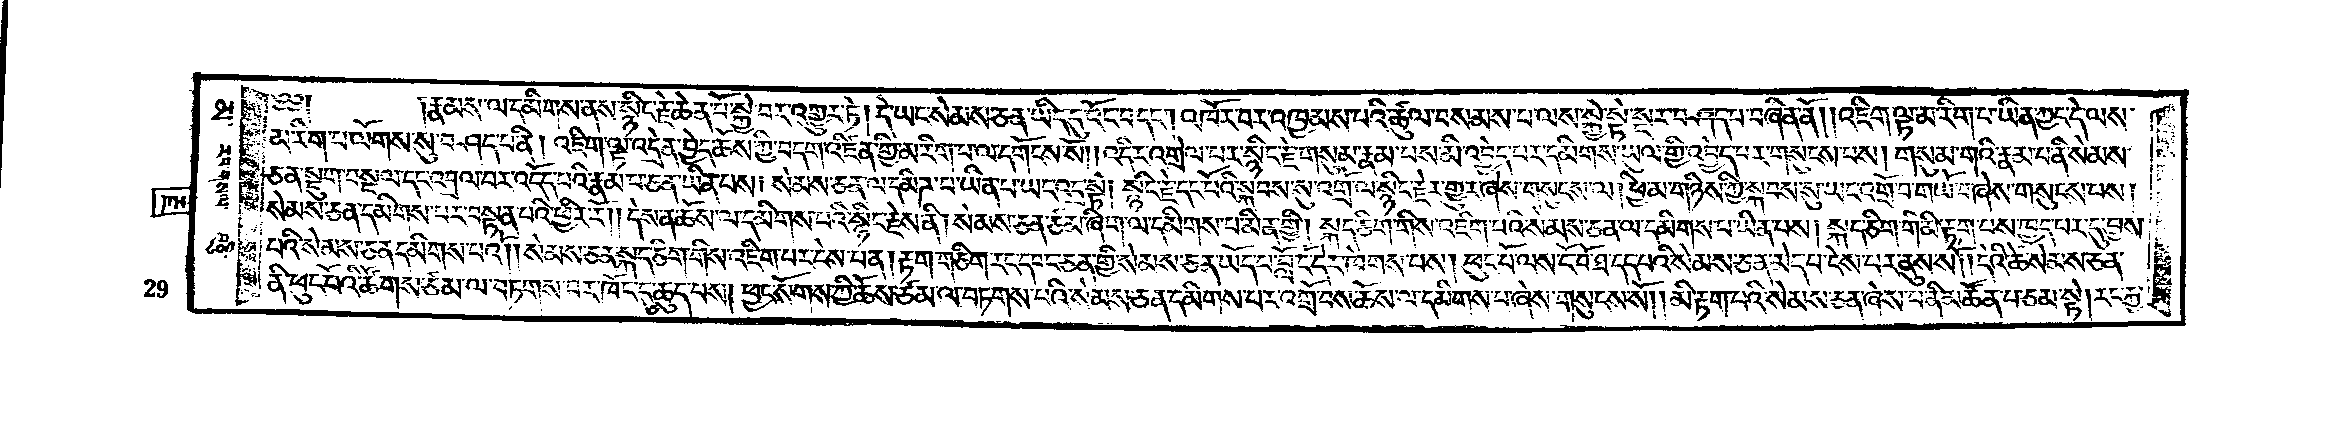༄༅། །རྣམས་ལ་དམིགས་ནས་སྙིང་རྗེ་ཆེན་པོ་སྐྱེ་བར་འགྱུར་ཏེ། དེ་ཡང་སེམས་ཅན་ཡིད་དུ་འོང་བ་དང་། འཁོར་བར་འཁྱམས་པའི་ཚུལ་བསམས་པ་ལས་སྐྱེ་སྟེ་སྔར་བཤད་པ་བཞིན་ནོ། །འཇིག་ལྟ་མ་རིག་པ་ཡིན་ཀྱང་དེ་ལས་
མ་རིག་པ་ལོགས་སུ་བཤད་པ་ནི། འཇིག་ལྟ་འདྲེན་བྱེད་ཆོས་ཀྱི་བདག་འཛིན་གྱི་མ་རིག་པ་ལ་དགོངས་སོ། །འདིར་འགྲེལ་པར་སྙིང་རྗེ་གསུམ་རྣམ་པས་མི་འབྱེད་པར་དམིགས་ཡུལ་གྱི་འབྱེད་པར་གསུངས་པས། གསུམ་གའི་རྣམ་པ་ནི་སེམས་
ཅན་སྡུག་བསྔལ་དང་འབྲལ་བར་འདོད་པའི་རྣམ་པ་ཅན་ཡིན་པས། སེམས་ཅན་ལ་དམིགས་པ་ཡིན་པ་ཡང་འདྲ་སྟེ། སྙིང་རྗེ་དང་པོའི་སྐབས་སུ་འགྲོ་ལ་སྙིང་རྗེར་གྱུར་ཞེས་གསུངས་ལ། ཕྱི་མ་གཉིས་ཀྱི་སྐབས་སུ་ཡང་འགྲོ་བ་གཡོ་བཞེས་གསུངས་པས།
སེམས་ཅན་དམིགས་པར་བསྟན་པའི་ཕྱིར་རོ། །དེས་ན་ཆོས་ལ་དམིགས་པའི་སྙིང་རྗེས་ནི། སེམས་ཅན་ཙམ་ཞིག་ལ་དམིགས་པ་མིན་གྱི། སྐད་ཅིག་གིས་འཇིག་པའི་སེམས་ཅན་ལ་དམིགས་པ་ཡིན་པས། སྐད་ཅིག་གི་མི་རྟག་པས་ཁྱད་པར་དུ་བྱས་
པའི་སེམས་ཅན་དམིགས་པའོ། །སེམས་ཅན་སྐད་ཅིག་གིས་འཇིག་པར་ངེས་པ་ན། རྟག་གཅིག་རང་དབང་ཅན་གྱི་སེམས་ཅན་ཡོད་པ་བློ་ངོ་དེར་ཁེགས་པས། ཕུང་པོ་ལས་ངོ་བོ་ཐ་དད་པའི་སེམས་ཅན་མེད་པ་དེས་པར་ནུས་སོ། །དེའི་ཚེ་སེམས་ཅན་
ནི་ཕུང་པོའི་ཚོགས་ཙམ་ལ་བཏགས་པར་ཁོང་དུ་ཆུད་པས། ཕུང་སོགས་ཀྱི་ཆོས་ཙམ་ལ་བཏགས་པའི་སེམས་ཅན་དམིགས་པར་འགྲོ་བས་ཆོས་ལ་དམིགས་པ་ཞེས་གསུངས་སོ། །མི་རྟག་པའི་སེམས་ཅན་ཞེས་པ་ནི་མཚོན་པ་ཙམ་སྟེ། རང་རྐྱ་